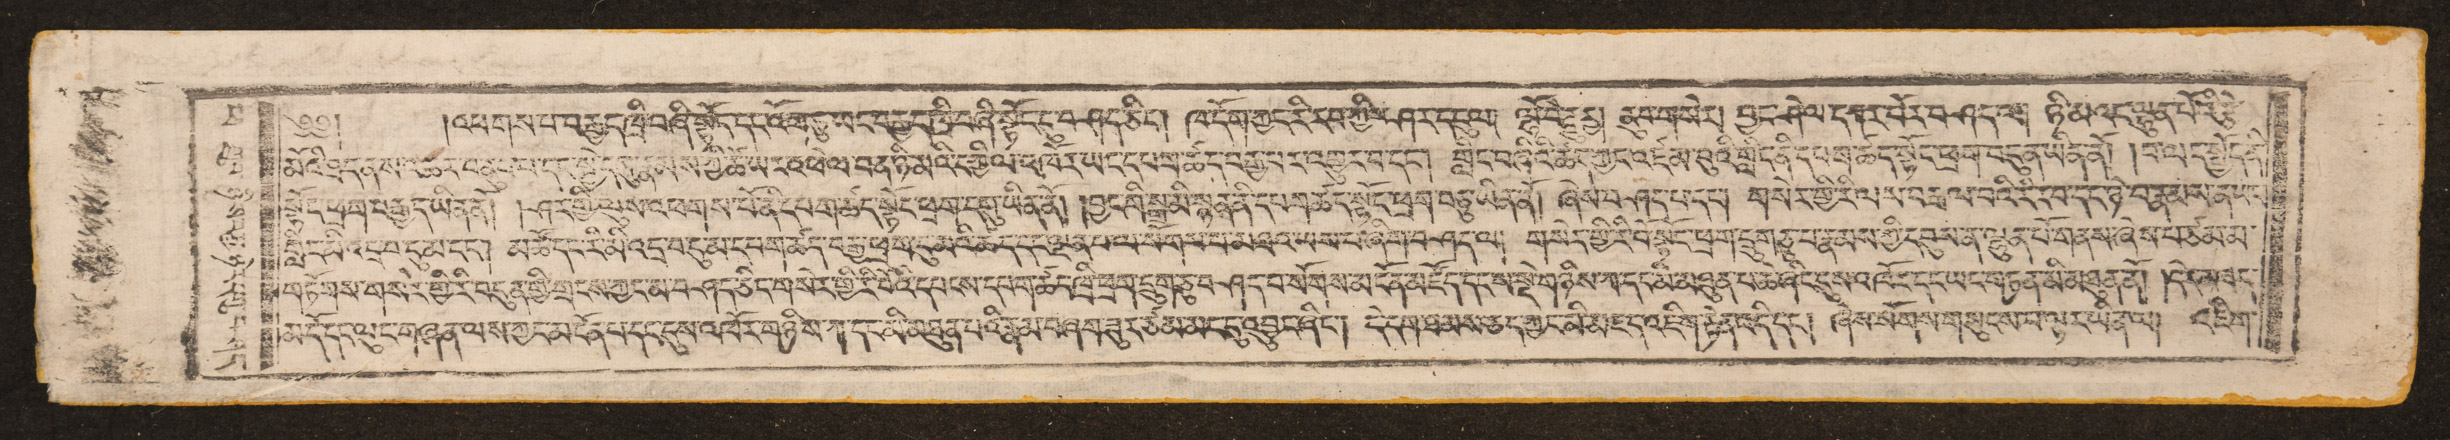༄༅། །འཕགས་པ་བརྒྱད་ཁྲི་བཞི་སྟོང་དང་འོག་ཏུ་ཡང་བརྒྱད་ཁྲི་བཞི་སྟོང་དུ་བཤད་ཅིང་། ཁ་དོག་ཀྱང་རི་རབ་ཀྱིས་ཤར་དངུལ། ལྷོ་བཻཌཱུརྱ། ནུབ་གསེར། བྱང་ཤེལ་དཀར་པོར་བཤད་ལ། ཉི་མ་ལ་ལྷུང་པོའི་རྩ་
མོའི་ཐད་ནས་འཆར་པ་ནུབ་པ་དང་སྐྱེད་སུ་རྣམས་ཀྱི་ཚེ་ཡར་འཕེལ་བན་ཉི་མའི་དཀྱིལ་འཁོར་ཡང་དཔག་ཚད་བརྒྱ་པར་འགྱུར་བ་དང་། གླིང་བཞིའི་ཚད་ཀྱང་འཛམ་བུའི་གླིང་ནི་དཔག་ཚད་སྟོང་ཕྲག་བདུན་ཡིན་ནོ། །བ་ལང་སྤྱོད་ནི་
སྟོང་ཕྲག་བརྒྱད་ཡིན་ནོ། །ཤར་གྱི་ལུས་འཕགས་པོ་མི་དཔག་ཚད་སྟོང་ཕྲག་དགུ་ཡིན་ནོ། །བྱང་གི་སྒྲ་མི་སྙན་ནི་དཔག་ཚད་སྟོང་ཕྲག་བཅུ་ཡིན་ནོ། ཞེས་བཤད་པ་དང་། གསེར་གྱི་རི་ལས་བ་?་བའི་རི་རབ་དང་ཉེ་བ་རྣམས་ན་ཡང་
གླིང་མི་འདྲ་བ་དུ་མ་དང་། མཚོ་དང་རི་མི་འདྲ་བདུ་མ་དཔག་ཚད་བརྒྱ་ཕྲག་དུ་མའི་ཚད་དང་ལྡན་པ་ལ་སོགས་པ་མཐའ་ཡས་པ་ཞིག་བཤད་ལ། གསེར་གྱི་རི་བོ་སྟོང་ཕྲག་དྲུག་ཅུ་པ་རྣམས་ཀྱི་དབུས་ན་ལྷུན་པོ་གནས་ཞེས་པ་ཙམ་མ་
གཏོགས་གསེར་གྱི་རི་བདུན་གྱི་གྲངས་ཀྱང་མ་བཤད་ཅིང་གསེར་གྱི་རི་བོའི་དབངས་དཔག་ཚད་ཁྲི་ཕྲག་དྲུག་ཅུ་བཤད་པ་སོགས་མངོན་མཛོད་དངས་སྡེ་གཉིས་ཀ་དང་མི་མཐུན་པ་ཆེ་ཞིང་དུས་འཁོར་དང་ཡང་གཏན་མི་མཐུན་ནོ། །དེར་མ་ཟད་
མདོ་དང་ལུང་གཞན་ལས་ཀྱང་མངོན་པ་དང་དུས་འཁོར་གཉིས་ཀ་དང་མི་མཐུན་པའི་རྣམ་བཞག་ཟུར་ཙམ་མང་དུ་འབྱུང་ཞིང་། དེ་དག་ཐམས་ཅད་ཀྱང་མི་མཇད་འཇིག་རྟེན་འདི་དང་། ཞེས་སོགས་གསུངས་པ་ལྟར་ཡིན་ལ། འཇིག་